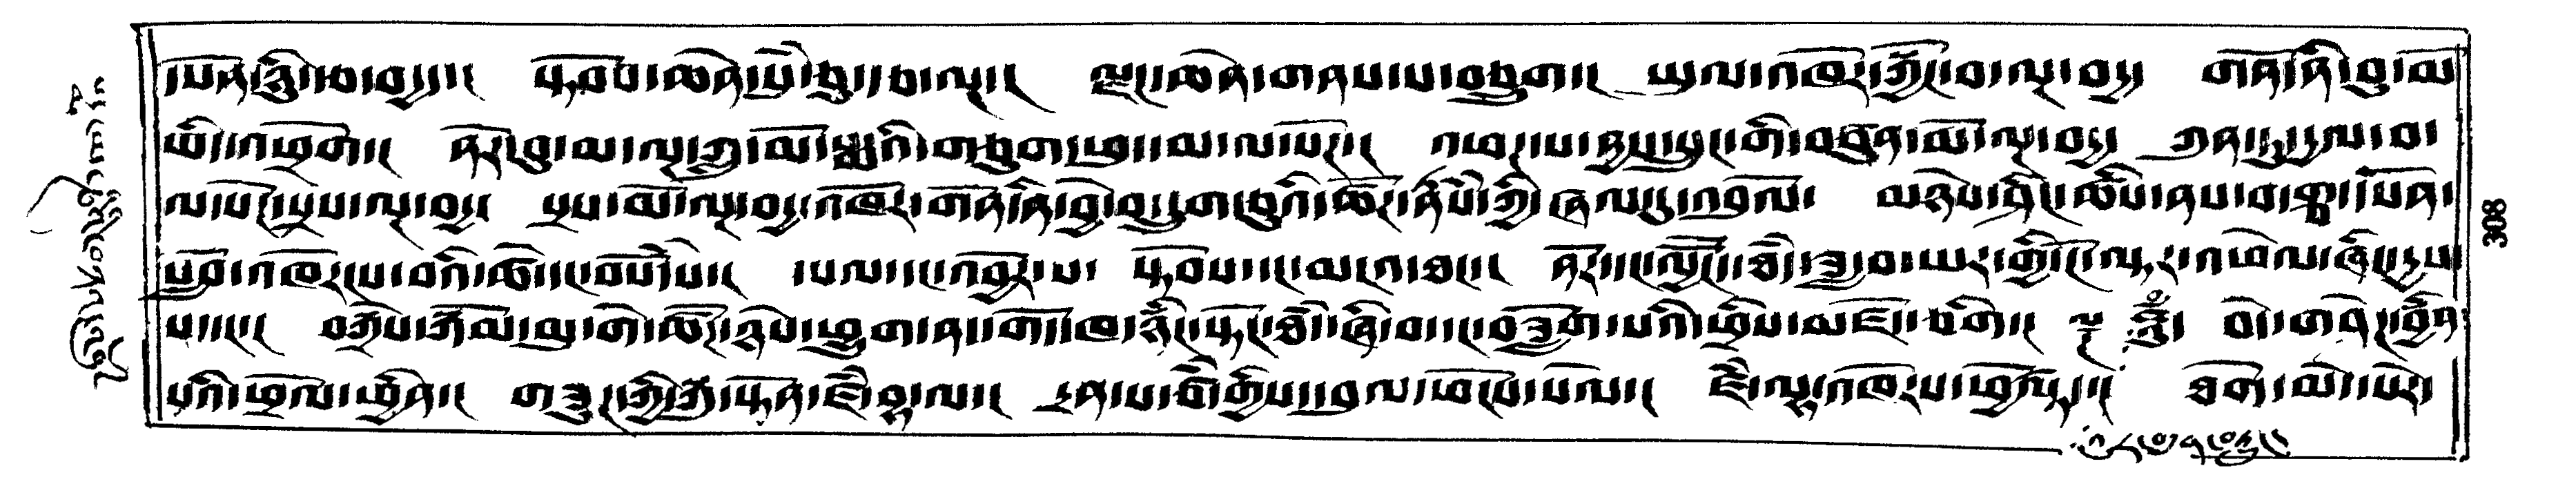དཔོན་ཉི་ཤུ་རྩ་བརྒྱད། སྟོབས་ཆེན་སུམ་ཅུ་རྩ་ལྔ་། ལྗོངས་ཆེན་གནས་པ་བཅུ་དྲུག ཡུལ་འཁོར་སྐྱོང་བ་ལྔ་བརྒྱ། །གནོད་སྦྱིན་བུ་མོ་
ཡིད་འཕྲོག ནོར་བུ་མ་ལྔ་ཀླུ་མོ་པདྨའི་གཙུག་ཕུད་མ་ལ་སོགས་འཕགས་པ་གནས་སྲུང་གི་བཙུན་མོ་ལྔ་བརྒྱ། ཀུན་ཏུ་རྒྱལ་བ་
ལ་སོགས་སྲས་ལྔ་བརྒྱ། །སྲས་མོ་ལྔ་བརྒྱ་འཁོར་གནོད་སྦྱིན་བྱེ་བ་དྲུག་ཅུའི་ཚོགས་རྣམས་ཀྱི་ཞལ་དུ་འབུལ་ལོ། །མཉེས་ཤིང་ཚིམ་ནསབདག་ཅག་དཔོན་
སློབ་འཁོར་དང་བཅས་པའི་ཚེ་དང་བསོད་ནམས། དཔལ་དང་འབྱོར་པ། སྟོབས་དང་མངའ་ཐང་། ནོར་དང་ལོངས་སྤྱོད་ཐམས་ཅད་ཟླ་བ་ཡར་གྱི་ངོ་ལྟར་འཕེལ་ཞིང་རྒྱས་
པ་དང་། བསྐྲེས་སྐོམ་མུ་གེ ཚོང་ཉེས། ཕྱུག་ནད་གོད་ཁ་སྙིང་སྟོང་ཐམས་ཅད་ཞི་བ་དང་བཟློག་པའི་ཕྲིན་ལས་མཛོད་ཅིག ༈ ཧཱུྃ། བདེ་གཤེགས་སྦྱིན་
པའི་ཕ་རོལ་ཕྱིན། །གཟུགས་ཀྱི་སྐུར་སྟོན་ཛམ་བྷ་ལ། །དྲན་པ་ཙམ་གྱིས་དབུལ་ཕོངས་སེལ། །ཛམ་ལྷ་འཁོར་བཅས་ཕྱག་འཚལ་བསྟོད། །ཐོག་མེད་སེར་